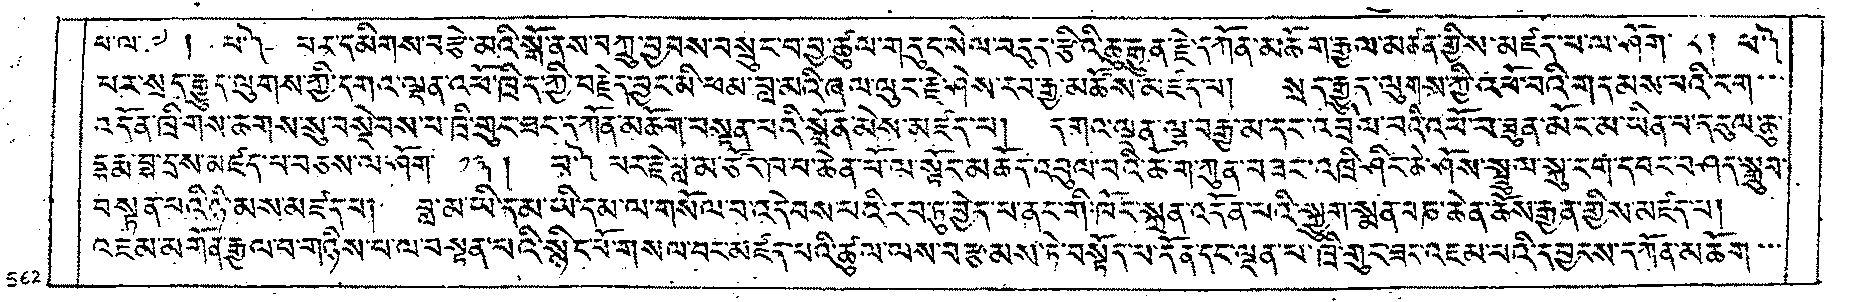པ་ལ ༧། པ྄་པར་དམིགས་བརྩེ་མའི་སྒོ་ནས་བཀྲུ་བྱབས་བསྲུང་བ་བྱ་ཚུལ་གདུང་སེལ་བདུད་རྩིའི་ཆུ་རྒྱུན་རྗེ་དཀོན་མཆོག་རྒྱལ་མཚན་གྱིས་མཛད་པ་ལ་ཤོག ༨། ཕ྄
པར་སྲད་རྒྱུད་ལུགས་ཀྱི་དགའ་ལྡན་འཕོ་ཁྲིད་ཀྱི་བརྗེད་བྱང་མི་ཕམ་བླ་མའི་ཞལ་ལུང་རྗེ་ཤེས་རབ་རྒྱ་མཚོས་མཛད་པ། སྲད་རྒྱུད་ལུགས་ཀྱི་འཕོ་བའི་གདམས་པའི་ངག་
འདོན་ཁྲིགས་ཆགས་སུ་བསྡེབས་པ་ཁྲི་གུང་ཐང་དཀོན་མཆོག་བསྟན་པའི་སྒྲོན་མེས་མཛད་པ། དགའ་ལྡན་ལྷ་བརྒྱ་མ་དང་འབྲེལ་བའི་འཕོ་བ་ཐུན་མོང་མ་ཡིན་པ་དངུལ་ཆུ་
དྷརྨ་བྷ་དྲས་མཛད་པ་བཅས་ལ་ཤོག ༡༣། བ྄་པར་རྗེ་བླ་མ་ཙོང་ཁ་པ་ཆེན་པོ་ལ་སྟོང་མཆོད་འབུལ་བའི་ཆོ་ག་ཀུན་བཟང་འཁྲི་ཤིང་ཆེ་ཤོས་སྤྲུལ་སྐུ་ངག་དབང་བཤད་སྒྲུབ་
བསྟན་པའི་ཉི་མས་མཛད་པ། བླ་མ་ཡི་དམ་ཡི་དམ་ལ་གསོལ་བ་འདེབས་པའི་རབ་ཏུ་བྱེད་པ་ནང་གི་ཁོང་སྐྲན་འདོན་པའི་སྐྱུག་སྨན་པཎ་ཆེན་ཆོས་རྒྱན་གྱིས་མཛད་པ།
འཇམ་མགོན་རྒྱལ་བ་གཉིས་པ་ལ་བསྟན་པའི་སྙིང་པོ་གསལ་བར་མཛད་པའི་ཚུལ་ལས་བརྩམས་ཏེ་བསྟོད་པ་དོན་དང་ལྡན་པ་ཁྲི་གུང་ཐང་འཇམ་པའི་དབྱངས་དཀོན་མཆོག་